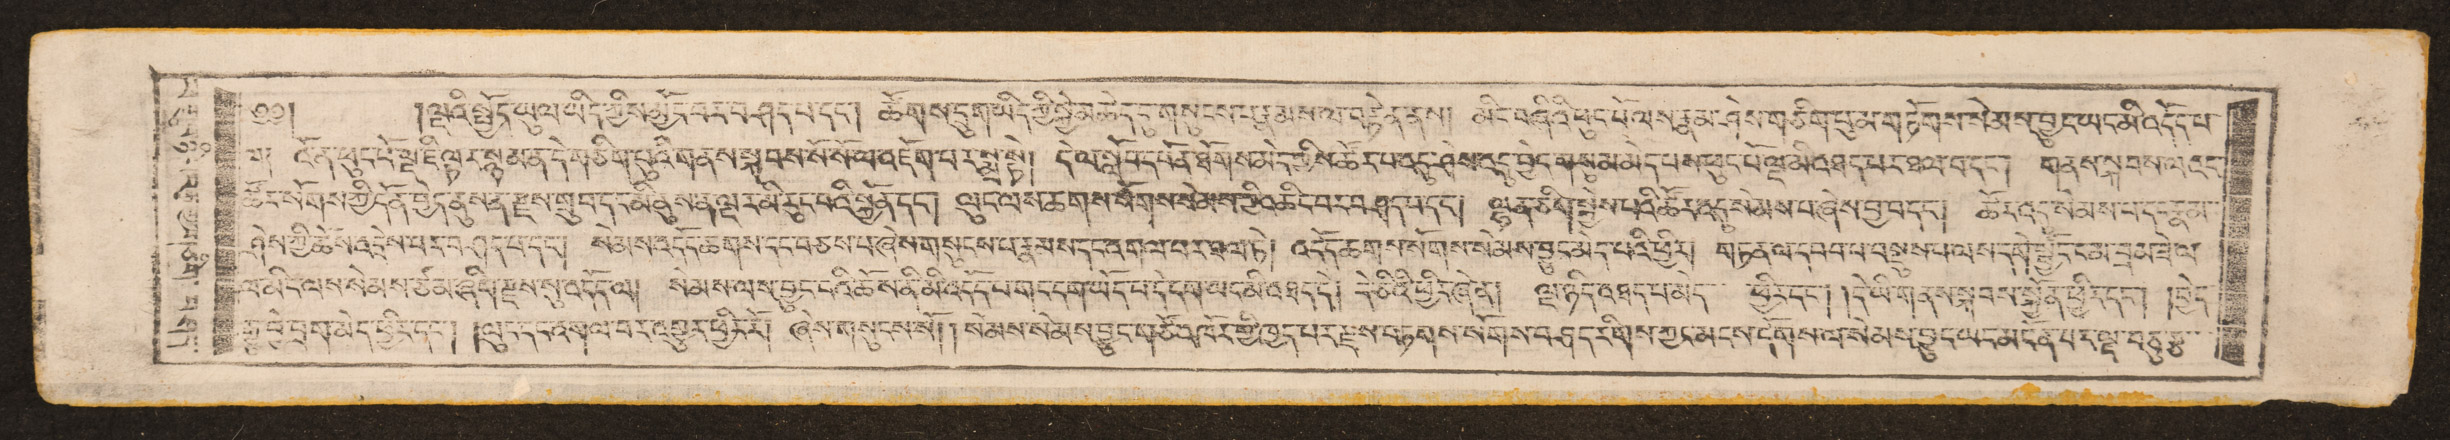༄༅། །ལྔའི་སྤྱོད་ཡུལ་ཡིད་ཀྱིས་མྱོང་བར་བཤད་པ་དང་། ཚོགས་དྲུག་ཡིད་ཀྱི་སྐྱེ་མཆེད་དུ་གསུངས་པ་རྣམས་ལ་བརྟེན་ནས། མིང་བཞིའི་ཕུང་པོ་ལས་རྣམ་ཤེས་གཅིག་པུ་མ་གཏོགས་སེམས་བྱུང་ཡང་མི་འདོད་པ་
ལ༑ འོ་ན་ཕུང་པོ་ལྔ་ཇི་ལྟར་སྙམ་ན་དེ་གཅིག་པུའི་གནས་སྐབས་སོ་སོ་ལ་འཇོག་པར་སྨྲ་སྟེ། དེ་ལ་སློབ་དཔོན་ཐོགས་མེད་ཀྱིས་ཚོར་པ་འདུ་ཤེས་འདུ་བྱེད་གསུམ་མེད་པས་ཕུང་པོ་ལྔ་མི་འཐད་པར་ཐལ་བ་དང་། གནས་སྐབས་ལའང་
ཚོར་སོགས་ཀྱི་དོན་བྱེད་ནུས་ན་རྫས་གྲུབ་དང་མི་ནུས་ན་ལྔར་མི་རུང་བའི་སྐྱོན་དང་། ལུང་ལས་ཆགས་སོགས་སེམས་ཀྱི་འཆིང་བར་བཤད་པ་དང་། ལྷན་ཅིག་སྐྱེས་པའི་ཚོར་འདུ་སེམས་པ་ཞེས་བྱ་བ་དང་། ཚོར་འདུ་སེམས་པ་དང་རྣམ་
ཤེས་ཀྱི་ཆོས་འདྲེས་པར་བཤད་པ་དང་། སེམས་འདོད་ཆགས་དང་བཅས་པ་ཞེས་གསུངས་པ་རྣམས་དང་འགལ་བར་ཐལ་ཏེ། འདོད་ཆགས་སོགས་སེམས་བྱུང་མེད་པའི་ཕྱིར། གཏན་ལ་དབབ་པ་བསྡུས་པ་ལས་དགེ་སྦྱོང་ངམ་བྲམ་ཟེ་ལ་
ལ་མིང་ལས་སེམས་ཙམ་ཞིག་རྫས་སུ་འདོད་ལ། སེམས་ལས་བྱུང་བའི་ཆོས་ནི་མི་འདོད་པ་གང་དག་ཡོད་པ་དེ་དག་ཡང་མི་འཐད་དེ། དེ་ཅིའི་ཕྱིར་ཞེ་ན། ལྔ་ཉིད་འཐད་པ་མེད་ཕྱིར་དང་། །དེ་ཡི་གནས་སྐབས་སྐྱོན་ཕྱིར་དང་། །བྱེད་
རྒྱུ་བྱེ་བྲག་མེད་ཕྱིར་དང་། །ལུང་དང་འགལ་བར་འགྱུར་ཕྱིར་རོ། ཞེས་གསུངས་སོ། །སེམས་སེམས་བྱུང་གཙོ་འཁོར་གྱི་ཁྱད་པར་རྫས་བཏགས་སོགས་བཤད་རིགས་ཀྱང་མངས་དོགས་ལ་སེམས་བྱུང་ཡང་མངོན་པར་ལྔ་བཅུ་རྩ་